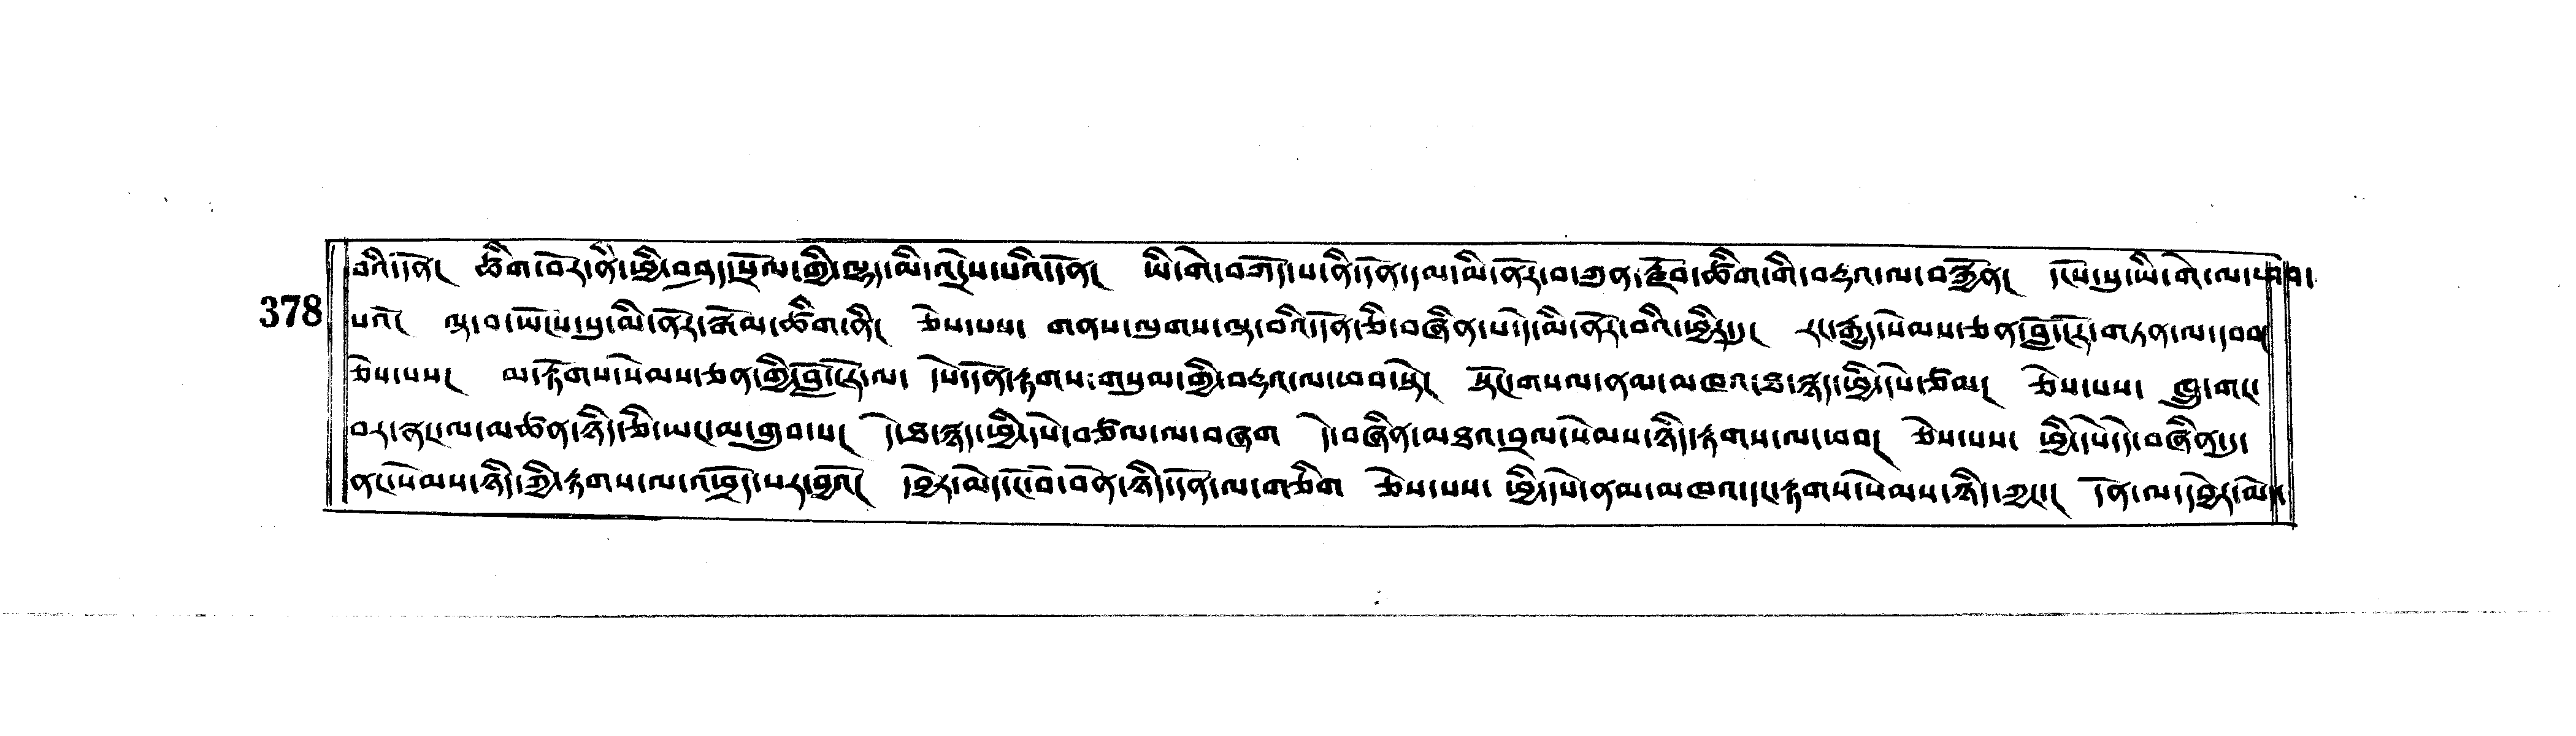བའི་དོན། ཚིག་བོར་ནི་ཕྱི་བཤད་སྲོལ་གྱི་ལྷད་མི་འདྲེས་པའི་དོན། ཡི་གེ་བཀོད་པ་ནི་དོན་དམ་མི་ནོར་བ་ཀུན་རྫོབ་ཚིག་གི་བརྡ་ལ་བསྐྱོན། དངོས་སུ་ཡི་གེ་ལ་སོགས་
པའོ། ལྟ་བ་ཡོངས་སུ་མི་ནོར་སྒོམ་ཚིག་ནི། ཅེས་པས་གནས་ལུགས་ལྟ་བའི་དོན་ཅི་བཞིན་པ་དེ་མི་ནོར་བའི་ཕྱིར་དུ། རང་རྒྱུད་སེམས་ཅན་བློ་ངོར་གཏན་ལ་དབབ། 
ཅེས་པས། མ་རྟོགས་སེམས་ཅན་གྱི་བློ་ངོ་ལ་དཔེ་དོན་རྟགས་གསུམ་གྱི་བརྡ་ལ་ཕབ་སྟེ། སྟོང་གསལ་ནམ་མཁའ་ཐ་སྙད་ཕྱི་དཔེ་ཙམ། ཅེས་པས། ཁྲུ་གང་
བར་སྣང་ལ་མཚན་ཉིད་ཅི་ཡང་མ་གྲུབ་པ། དེ་ཐ་སྙད་ཕྱི་དཔེ་བཙལ་ལ་བཞག དེ་བཞིན་མཐའ་བྲལ་སེམས་ཉིད་རྟགས་ལ་ཕབ། ཅེས་པས། ཕྱི་དཔེ་དེ་བཞིན་དུ་
ནང་སེམས་ཉིད་ཀྱི་རྟགས་ལ་འཕྲོད་པར་བྱའོ། དབྱེར་མེད་ངོ་བོ་བོན་ཉིད་དོན་ལ་གཅིག ཅེས་པས། ཕྱི་དཔེ་ནམ་མཁའ་དང་རྟགས་སེམས་ཉིད་ཀྱང་། དོན་ལ་དབྱེར་མེད་